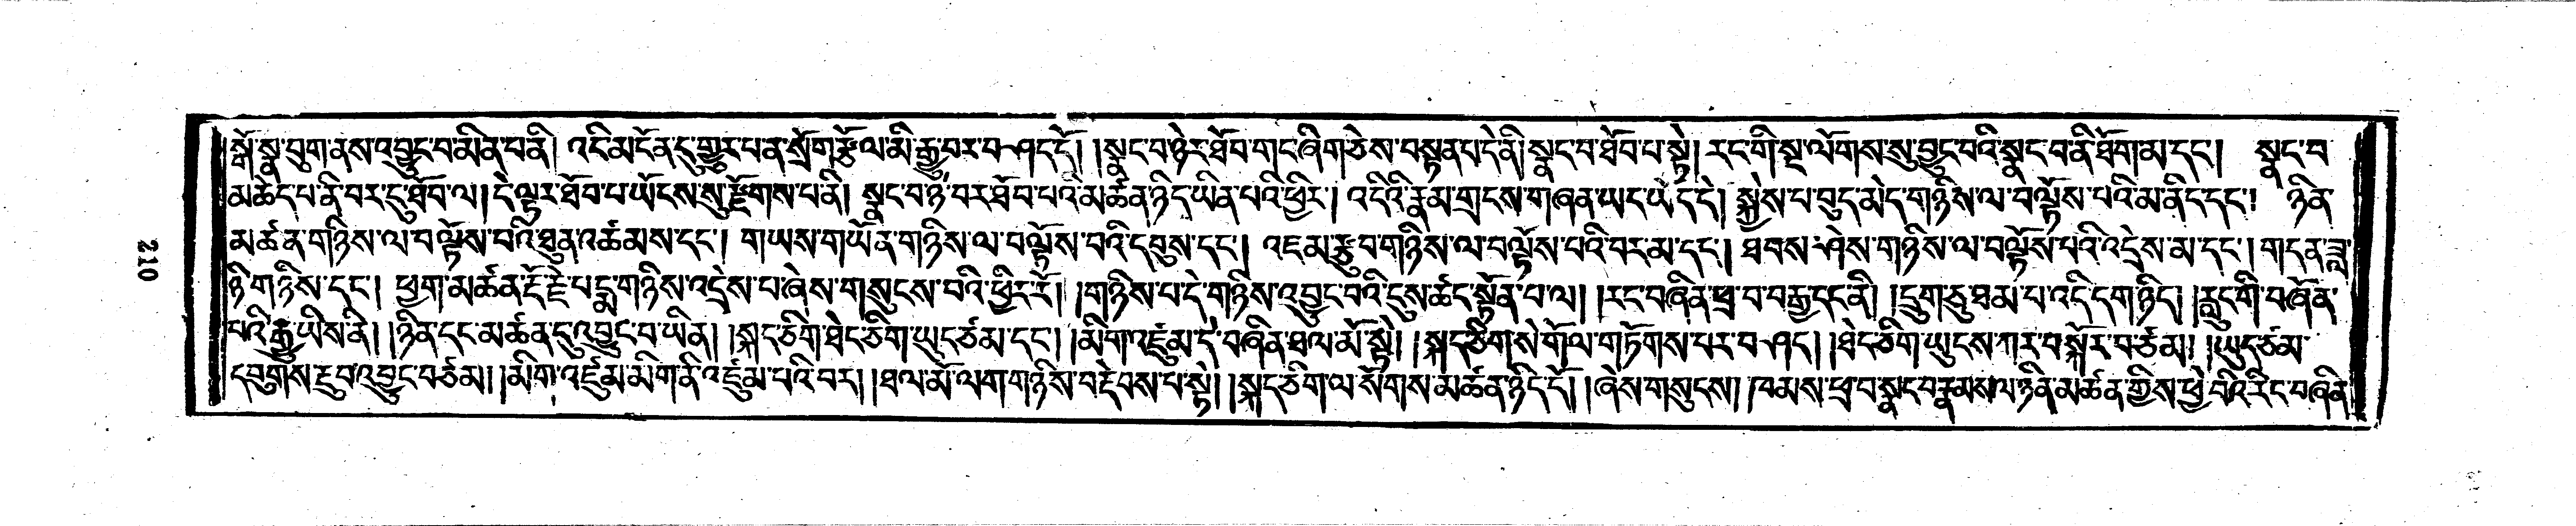སྒོ་སྣ་བུག་ནས་འབྱུང་བ་མིན་པ་ནི། འདི་མངོན་དུ་གྱུར་པ་ན་སྲོག་རྩོལ་མི་རྒྱུ་བར་བཤད་དོ། །སྣང་བ་ཉེར་ཐོབ་གང་ཞིག་ཅེས་བསྟན་པ་དེ་ནི། སྣང་བ་ཐོབ་པ་སྟེ། རང་གི་སྔ་ལོགས་སུ་བྱུང་བའི་སྣང་བ་ནི་ཐོག་མ་དང་། སྣང་བ་
མཆེད་པ་ནི་བར་དུ་ཐོབ་ལ། དེ་ལྟར་ཐོབ་པ་ཡོངས་སུ་རྫོགས་པ་ནི། སྣང་བ་ཉེ་བར་ཐོབ་པའི་མཚན་ཉིད་ཡིན་པའི་ཕྱིར། འདིའི་རྣམ་གྲངས་གཞན་ཡང་ཡོད་དེ། སྐྱེས་པ་བུད་མེད་གཉིས་ལ་བལྟོས་པའི་མ་ནིང་དང་། ཉིན་
མཚན་གཉིས་ལ་བལྟོས་པའི་ཐུན་འཚམས་དང་། གཡས་གཡོན་གཉིས་ལ་བལྟོས་པའི་དབུས་དང་། འཇམ་རྩུབ་གཉིས་ལ་བལྟོས་པའི་བར་མ་དང་། ཐབས་ཤེས་གཉིས་ལ་བལྟོས་པའི་འདྲེས་མ་དང་། གདན་ཟླ་
ཉི་གཉིས་དང་། ཕྱག་མཚན་རྡོ་རྗེ་པདམ་གཉིས་འདྲེས་པ་ཞེས་གསུངས་པའི་ཕྱིར་རོ། །གཉིས་པ་དེ་གཉིས་འབྱུང་བའི་དུས་ཚད་སྟོན་པ་ལ། །རང་བཞིན་ཕྲ་བ་བརྒྱ་དང་ནི། །དྲུག་ཅུ་ཐམ་པ་འདི་དག་ཉིད། །རླུང་གི་བཞོན་
པའི་རྒྱུ་ཡིས་ནི། །ཉིན་དང་མཚན་དུ་འབྱུང་བ་ཡིན། །སྐད་ཅིག་ཐེང་ཅིག་ཡུད་ཙམ་དང་། །མིག་འཛུམ་དེ་བཞིན་ཐལ་མོ་སྟེ། །སྐད་ཅིག་སེ་གོལ་གཏོགས་པར་བཤད། །ཐེང་ཅིག་ཡུངས་ཀར་བསྐོར་བ་ཙམ། །ཡུད་ཙམ་
དབུགས་རྡུབ་འབྱུང་བ་ཙམ། །མིག་འཛུམ་མིག་ནི་འཛུམ་པའི་བར། །ཐལ་མོ་ལག་གཉིས་བརྡེབས་པ་སྟེ། །སྐད་ཅིག་ལ་སོགས་མཚན་ཉིད་དོ། །ཞེས་གསུངས། ཁམས་ཕྲ་བ་སྣང་བ་རྣམས་ལ་ཉིན་མཚན་གྱིས་ཕྱེ་བའི་རང་བཞིན་